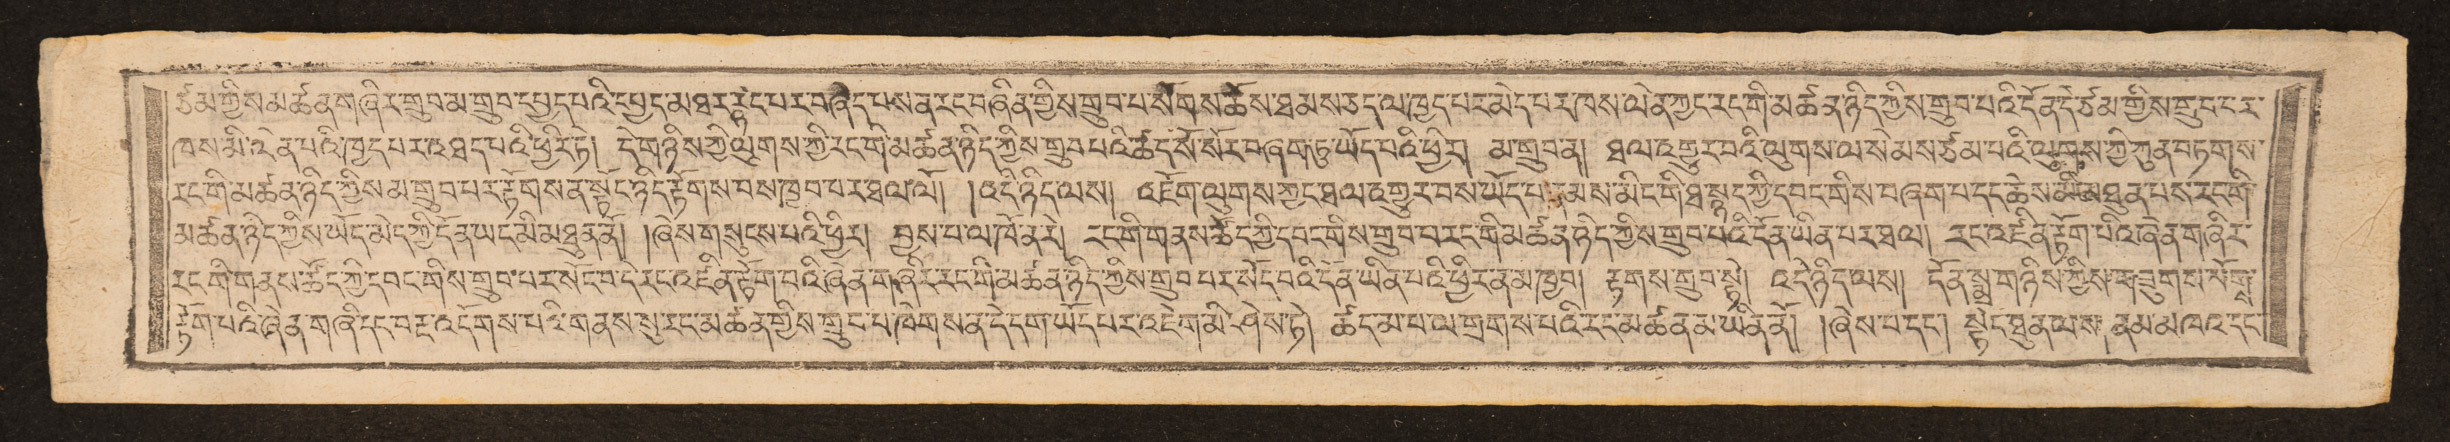ཙམ་གྱིས་མཚན་གཞིར་གྲུབ་མ་གྲུབ་དཔྱད་པའི་དཔྱད་མཐར་རྙེད་པར་བཞེད་པས་ན་རང་བཞིན་གྱིས་གྲུབ་པ་སོགས་ཆོས་ཐམས་ཅད་ལ་ཁྱད་པར་མེད་པར་ཁས་ལེན་ཀྱང་རང་གི་མཚན་ཉིད་ཀྱིས་གྲུབ་པའི་དོན་དེ་ཙམ་གྱིས་གྲུབ་པར་
ཁས་མི་ལེན་པའི་ཁྱད་པར་འཐད་པའི་ཕྱིར་ཏེ། དེ་གཉིས་ཀྱི་ལུགས་ཀྱི་རང་གི་མཚན་ཉིད་ཀྱིས་གྲུབ་པའི་ཚད་སོ་སོར་བཞག་ཏུ་ཡོད་པའི་ཕྱིར། མ་གྲུབ་ན། ཐལ་འགྱུར་བའི་ལུགས་ལ་སེམས་ཙམ་པའི་ལུགས་ཀྱི་ཡུན་བཏགས་
རང་གི་མཚན་ཉིད་ཀྱིས་མ་གྲུབ་པར་རྟོགས་ན་སྟོང་ཉིད་རྟོགས་པས་ཁྱབ་པར་ཐལ་ལོ། །འདི་ཉིད་ལས། འཇོག་ལུགས་ཀྱང་ཐལ་འགྱུར་བས་ཡོད་པ་རྣམས་མིང་གི་ཐ་སྙད་ཀྱི་དབང་གིས་བཞག་པ་དང་ཆེས་མི་མཐུན་པས་རང་གི་
མཚན་ཉིད་ཀྱིས་ཡོད་མེད་ཀྱི་དོན་ཡང་མི་མཐུན་ནོ། །ཞེས་གསུངས་པའི་ཕྱིར། བྱས་པ་ལ་ཁོ་ན་རེ། རང་གི་གནས་ཚོད་ཀྱི་དབང་གིས་གྲུབ་པ་རང་གི་མཚན་ཉིད་ཀྱིས་གྲུབ་པའི་དོན་ཡིན་པར་ཐལ། རང་འཛིན་རྟོག་པའི་ཞེན་གཞིར་
རང་གི་གནས་ཚོད་ཀྱི་དབང་གིས་གྲུབ་པར་སོང་བ་དེ་རང་འཛིན་རྟོག་པའི་ཞེན་གཞིར་རང་གི་མཚན་ཉིད་ཀྱིས་གྲུབ་པར་སོང་བའི་དོན་ཡིན་པའི་ཕྱིར་ན་མ་ཁྱབ། རྟགས་གྲུབ་སྟེ། འདི་ཉིད་ལས། དོན་སྨྲ་གཉིས་ཀྱིས་གཟུགས་སོགས་
རྟོག་བའི་ཞེན་གཞི་དང་བརྡ་འདོགས་པའི་གནས་སུ་རང་མཚན་གྱིས་གྲུབ་པ་ཁེགས་ན་དེ་དག་ཡོད་པར་འཇོག་མི་ཤེས་ཏེ། ཚད་མ་པ་ལ་གྲགས་པའི་རང་མཚན་མ་ཡིན་ནོ། །ཞེས་པ་དང་། སྟོང་ཐུན་ལས། ནམ་མཁའ་དང་